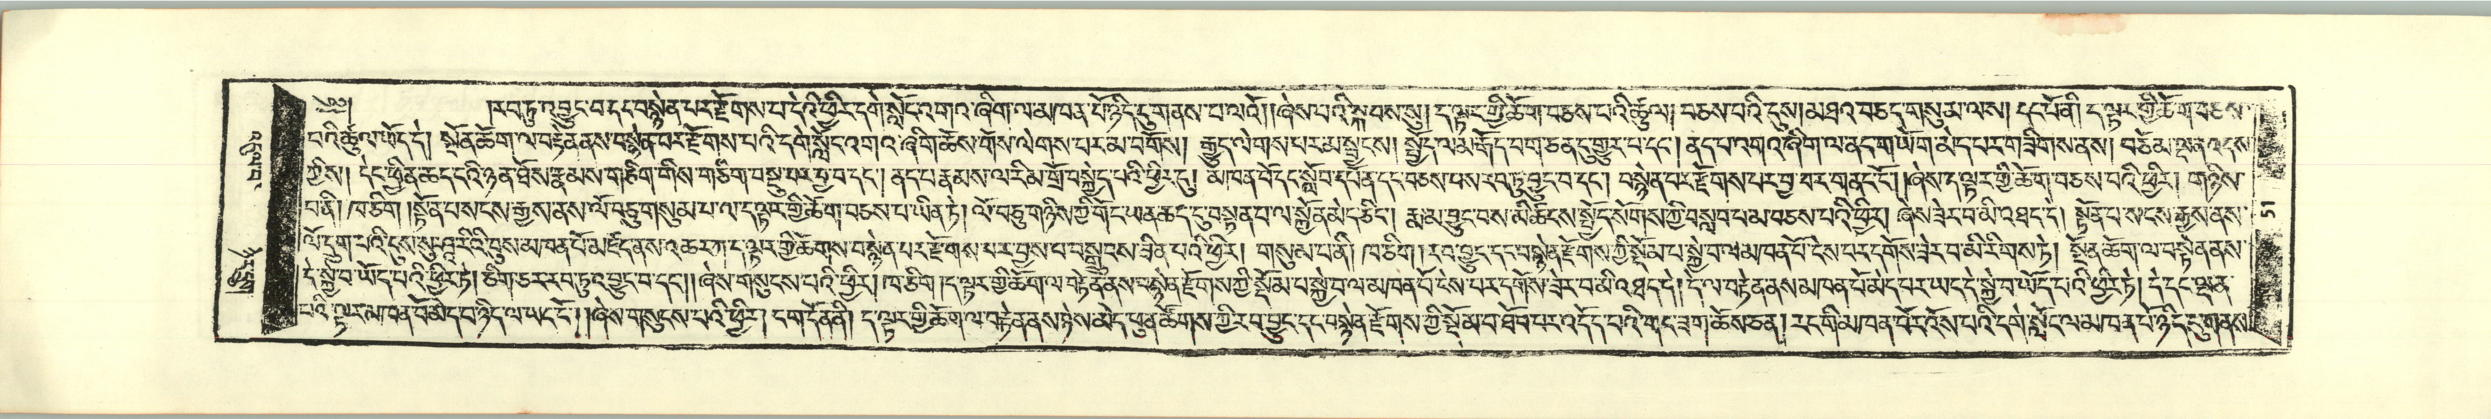༄༅། །རབ་ཏུ་འབྱུང་བ་དང་བསྙེན་པར་རྫོགས་པ་དེའི་ཕྱིར་དགེ་སློང་འགའ་ཞིག་ལ་མཁན་པོ་ཉིད་དུ་གནས་པ་ལའོ། །ཞེས་པའི་སྐབས་སུ། ད་ལྟར་གྱི་ཆོ་ག་བཅས་པའི་ཚུལ། བཅས་པའི་དུས། མཐའ་བཅད་གསུམ་ལས། དང་པོ་ནི། ད་ལྟར་གྱི་ཆོ་ག་བཅས་
པའི་ཚུལ་ཡོད་དེ། སྔོན་ཆོག་ལ་བརྟེན་ནས་བསྙེན་པར་རྫོགས་པའི་དགེ་སློང་འགའ་ཞིག་ཆོས་གོས་ལེགས་པར་མ་བགོས། རྒྱུད་ལེགས་པར་མ་སྦྱངས། སྤྱོད་ལམ་རྒོད་བག་ཅན་དུ་གྱུར་པ་དང་། ནད་པ་འགའ་ཞིག་ལ་ནད་གཡོག་མེད་པར་གཟིགས་ནས། བཅོམ་ལྡན་འདས་
ཀྱིས། དེང་ཕྱིན་ཆད་ངའི་ཉན་ཐོས་རྣམས་གཅིག་གིས་གཅིག་བསྡུ་པར་བྱ་བ་དང་། ནད་པ་རྣམས་ལ་རིམ་གྲོ་བསྐྱེད་པའི་ཕྱིར་དུ། མཁན་པོ་དང་སློབ་དཔོན་དང་བཅས་པས་རབ་ཏུ་བྱུང་བ་དང་། བསྙེན་པར་རྫོགས་པར་བྱ་བར་གནང་ངོ། །ཞེས་ད་ལྟར་གྱི་ཆོ་ག་བཅས་པའི་ཕྱིར། གཉིས་
པ་ནི། ཁ་ཅིག །སྟོན་པ་སངས་རྒྱས་ནས་ལོ་བཅུ་གསུམ་པ་ལ་ད་ལྟར་གྱི་ཆོ་ག་བཅས་པ་ཡིན་ཏེ། ལོ་བཅུ་གཉིས་ཀྱི་གོང་ཡན་ཆད་དུ་བསྟན་པ་ལ་སྐྱོན་མེད་ཅིང་། རྨ་མ་བྱུང་བས་མི་ཚངས་སྤྱོད་སོགས་ཀྱི་བསླབ་པ་མ་བཅས་པའི་ཕྱིར། ཞེས་ཟེར་བ་མི་འཐད་དེ། སྟོན་པ་སངས་རྒྱས་ནས་
ལོ་དྲུག་པའི་དུས་སུ་ཤཱ་རིའི་བུས་མཁན་པོ་མཛད་ནས་འཆར་ཀ་ད་ལྟར་གྱི་ཆོ་གས་བསྙེན་པར་རྫོགས་པར་བྱས་པ་བསྒྲུབས་ཟིན་པའི་ཕྱིར། གསུམ་པ་ནི། ཁ་ཅིག །རབ་བྱུང་དང་བསྙེན་རྫོགས་ཀྱི་སྡོམ་པ་སྐྱེ་བ་ལ་མཁན་པོ་ངེས་པར་དགོས་ཟེར་བ་མི་རིགས་ཏེ། སྔོན་ཆོག་ལ་བསྟེན་ནས་
དེ་སྐྱེ་བ་ཡོད་པའི་ཕྱིར་ཏེ། ཅིག་ཅར་རབ་ཏུ་འབྱུང་བ་དང་། །ཞེས་གསུངས་པའི་ཕྱིར། ཁ་ཅིག །ད་ལྟར་གྱི་ཆོ་ག་ལ་བརྟེན་ནས་བསྙེན་རྫོགས་ཀྱི་སྡོམ་པ་སྐྱེ་བ་ལ་མཁན་པོ་ངེས་པར་དགོས་ཟེར་བ་མི་འཐད་དེ། དེ་ལ་བརྟེན་ནས་མཁན་པོ་མེད་པར་ཡང་དེ་སྐྱེ་བ་ཡོད་པའི་ཕྱིར་ཏེ། དེ་དང་ལྡན་
པའི་ལྟར་མཁན་པོ་མེད་པ་ཉིད་ལ་ཡང་ངོ། །ཞེས་གསུངས་པའི་ཕྱིར། ངག་དོན་ནི། ད་ལྟར་གྱི་ཆོ་ག་ལ་བརྟེན་ནས་ཉེས་མེད་ཕུན་ཚོགས་ཀྱི་རབ་བྱུང་དང་བསྙེན་རྫོགས་ཀྱི་སྡོམ་པ་ཐོབ་པར་འདོད་པའི་གང་ཟག་ཆོས་ཅན། རང་གི་མཁན་པོར་འོས་པའི་དགེ་སློང་ལ་མཁན་པོ་ཉིད་དུ་གནས་